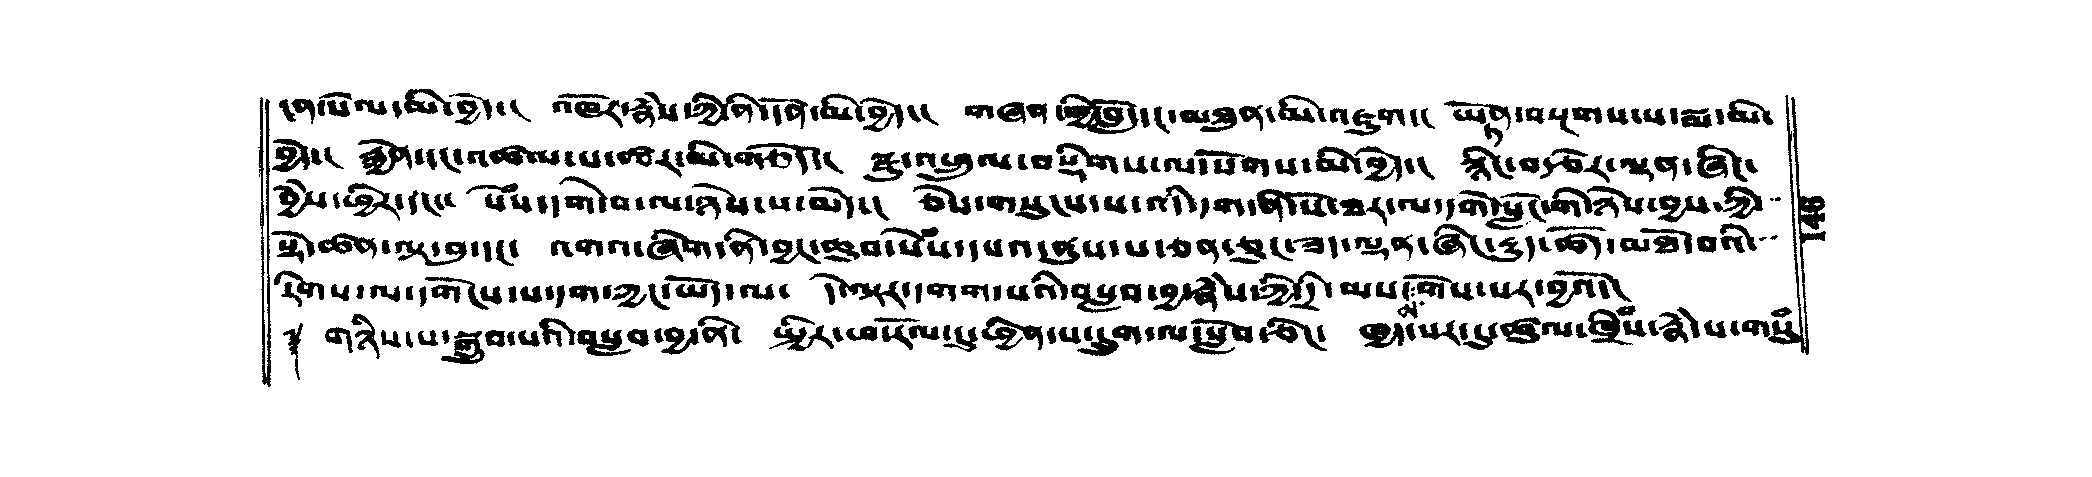ངན་སོལ་མི་བྱེད། འཁོར་རྣམས་ཀྱི་ནོ་དོན་མི་བྱེད། གཞན་གྱི་བློ་དང་མཐུན་མི་འཇུག ཡོན་ཏན་བསྔགས་པ་སྨ་མི་
བྱེད། རྐྱེན་དང་འཚལ་པ་ཚར་མི་གཅོད། རྫུ་འཕྲུལ་བསྡིགས་ལ་སོགས་མི་བྱེད། སྙིང་བརྩེར་ལྡན་ཞིང་
བྱམས་ཕྱིར་དང་། སེམས་དགེ་བ་ལ་ཉེས་པ་མེད། ཅེས་གསུངས་པ་འདི་དག་ནི་སོ་ཐར་ལ་དགེ་སློང་གི་ཉེས་བྱས་ཀྱི་
སྡེ་ཚན་ལྟ་བུ་དང་། འགའ་ཞིག་ནི་བྱང་ཆུབ་སེམས་དཔའ་ནུས་པ་ཅན་ཅུང་ཟད་ལྡན་ཞིང་རྒྱུད་ཚོད་མཐོ་བའི་
རིགས་ལ་དགོངས་པ་དག་ཀྱང་ཡོད་ལ། དེ་ལྟར་དགག་པའི་བསླབ་བྱ་རྣམས་ཀྱི་དྲི་མས་མ་གོས་པར་བྱའོ། 
༈ གཉིས་པ་སྒྲུབ་པའི་བསླབ་བྱ་ནི། སྤྱིར་ཕ་རོལ་དུ་ཕྱིན་པ་དྲུག་ལ་སློབ་ཅིང་། ཁྱད་པར་དུ་ཚུལ་ཁྲིམས་རྣམ་པ་གསུམ་